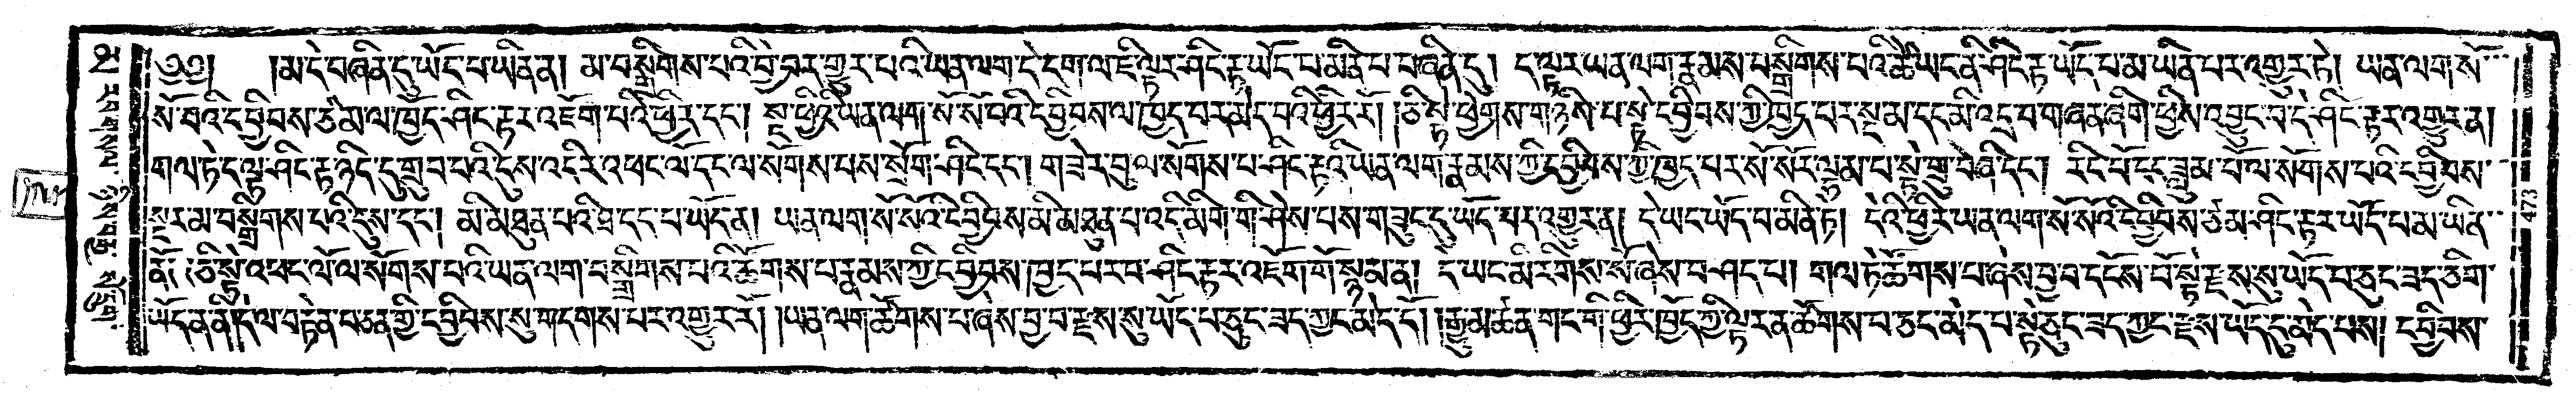༄༅། །མ་དེ་བཞིན་དུ་ཡོད་པ་ཡིན་ན། མ་བསྒྲིགས་པའི་བྱེ་བར་གྱུར་པའི་ཡན་ལག་དེ་དག་ལ་ཇི་ལྟར་ཤིང་རྟ་ཡོད་པ་མིན་པ་བཞིན་དུ། ད་ལྟར་ཡན་ལག་རྣམས་བསྒྲིགས་པའི་ཚེ་ཡང་ནི་ཤིང་རྟ་ཡོད་པ་མ་ཡིན་པར་འགྱུར་ཏེ། ཡན་ལག་སོ་
སོ་བའི་དབྱིབས་ཙམ་ལ་ཁྱོད་ཤིང་རྟར་འཇོག་པའི་ཕྱིར་དང་། སྔ་ཕྱིའི་ཡན་ལག་སོ་སོ་བའི་དབྱིབས་ལ་ཁྱད་པར་མེད་པའི་ཕྱིར་རོ། །ཅི་སྟེ་ཕྱོགས་གཉིས་པ་སྟེ་དབྱིབས་ཀྱི་ཁྱད་པར་སྔ་མ་དང་མི་འདྲ་བ་གཞན་ཞིག་ཕྱིས་འབྱུང་བ་དེ་ཤིང་རྟར་འགྱུར་ན།
གལ་ཏེ་ད་ལྟ་ཤིང་རྟ་ཉིད་དུ་གྲུབ་པའི་དུས་འདིར་འཕང་ལོ་དང་ལ་སོགས་པས་སྲོག་ཤིང་དང་། གཟེར་བུ་ལ་སོགས་པ་ཤིང་རྟའི་ཡན་ལག་རྣམས་ཀྱི་དབྱིབས་ཀྱི་ཁྱད་པར་སོ་སོར་ལྷམ་པ་སྟེ་གྲུ་བཞི་དང་། རིང་པོ་དང་ཟླུམ་པོ་ལ་སོགས་པའི་དབྱིབས་
སྔར་མ་བསྒྲིགས་པའི་དུས་དང་། མི་མཐུན་པའི་ཐ་དད་པ་ཡོད་ན། ཡན་ལག་སོ་སོའི་དབྱིབས་མི་མཐུན་པ་འདི་མིག་གི་ཤེས་པས་གཟུང་དུ་ཡོད་པར་འགྱུར་ན། དེ་ཡང་ཡོད་པ་མིན་ཏེ། དེའི་ཕྱིར་ཡན་ལག་སོ་སོའི་དབྱིབས་ཙམ་ཤིང་རྟར་ཡོད་པ་མ་ཡིན་
ནོ༑ ༑ཅི་སྟེ་འཕང་ལོ་ལ་སོགས་པའི་ཡན་ལག་བསྒྲིགས་པའི་ཚོགས་པ་རྣམས་ཀྱི་དབྱིབས་ཁྱད་པར་བ་ཤིང་རྟར་འཇོག་གོ་སྙམ་ན། དེ་ཡང་མི་རིགས་སོ་ཞེས་བཤད་པ། གལ་ཏེ་ཚོགས་པ་ཞེས་བྱ་བ་དངོས་པོ་སྟེ་རྫས་སུ་ཡོད་པ་ཅུང་ཟད་ཅིག་
ཡོད་ན་ནི། དེ་ལ་བརྟེན་པ་ཅན་གྱི་དབྱིབས་སུ་གདགས་པར་འགྱུར་རོ། །ཡན་ལག་ཚོགས་པ་ཞེས་བྱ་བ་རྫས་སུ་ཡོད་པ་ཅུང་ཟད་ཀྱང་མེད་དོ། །རྒྱུ་མཚན་གང་གི་ཕྱིར་ཁྱོད་ཀྱི་ལྟར་ན་ཚོགས་པ་ཅང་མེད་པ་སྟེ་ཅུང་ཟད་ཀྱང་རྫས་ཡོད་དུ་མེད་པས། དབྱིབས་